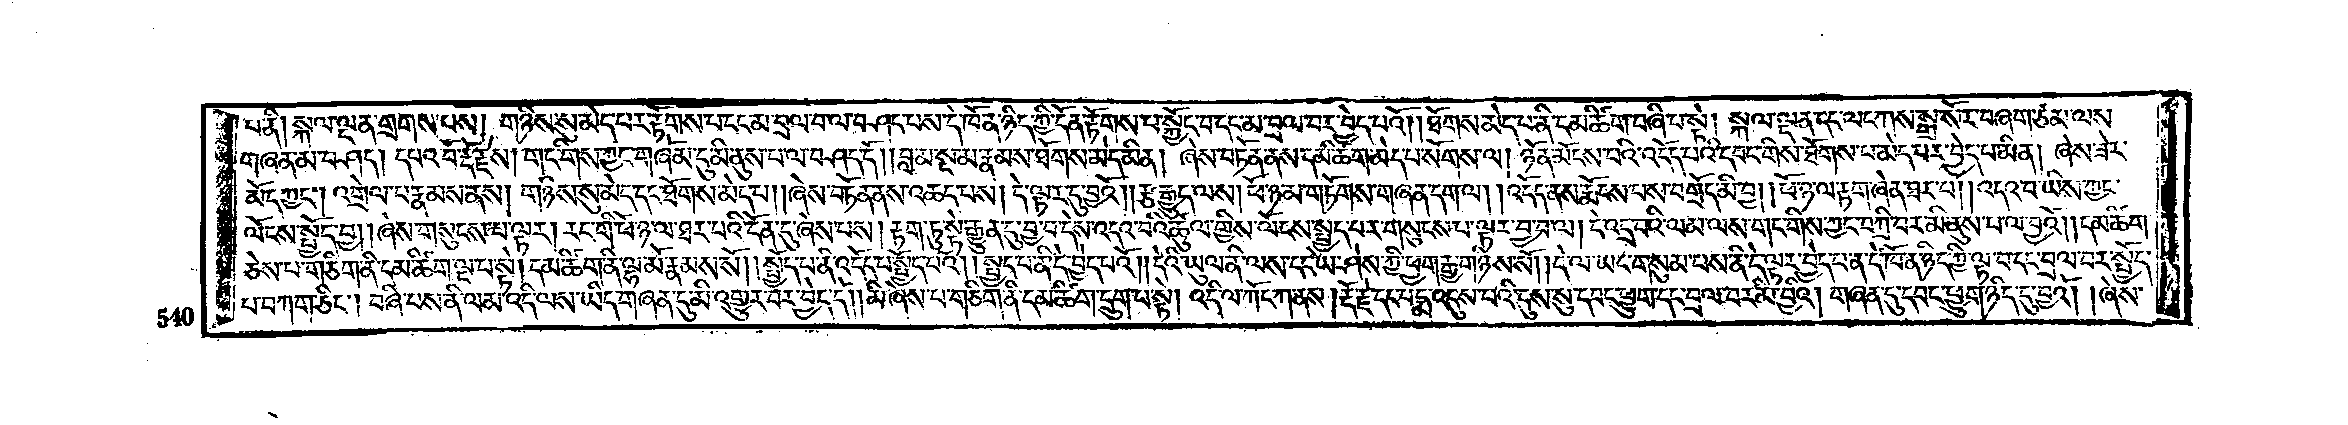པ་ནི། སྐལ་ལྡན་གྲགས་པས། གཉིས་སུ་མེད་པར་རྟོགས་པ་དང་མ་བྲལ་བ་ལ་བཤད་པས་དེ་ཁོ་ན་ཉིད་ཀྱི་དོན་རྟོགས་པ་སྐྱོང་བ་དང་མ་བྲལ་བར་བྱེད་པའོ། །ཐོགས་མེད་པ་ནི་དམ་ཚིག་བཞི་པ་སྟེ། སྐལ་ལྡན་དང་ལང་ཀས་སྒྲ་སོར་བཞག་ཙམ་ལས་
གཞན་མ་བཤད། དཔའ་བོ་རྡོ་རྗེས། གང་གིས་ཀྱང་གཞོམ་དུ་མི་ནུས་པ་ལ་བཤད་དོ། །བླ་མ་སྔ་མ་རྣམས་ཐོགས་མེད་མིན། ཞེས་བཏོན་ནས་དམ་ཚིག་མེད་པ་སོགས་ལ། ཉོན་མོངས་པའི་འདོད་པའི་དབང་གིས་ཐོགས་པ་མེད་པར་བྱེད་པ་མིན། ཞེས་ཟེར་
མེད་ཀྱང་། འགྲེལ་པ་རྣམས་ནས། གཉིས་སུ་མེད་དང་ཐོགས་མེད་པ། །ཞེས་བཏོན་ནས་འཆད་པས། དེ་ལྟར་དུ་བྱའོ། །རྩ་རྒྱུད་ལས། ཕོ་ཉ་མ་གཏོགས་གཞན་དག་ལ། །འདོད་ནས་རྨོངས་པས་བགྲོད་མི་བྱ། །ཕོ་ཉ་ལ་རྟག་ཞེན་ཐར་པ། །འདའ་བ་ཡིས་ཀྱང་
ལོངས་སྤྱོད་བྱ། །ཞེས་གསུངས་པ་ལྟར། རང་གི་ཕོ་ཉ་ལ་ཐར་པའི་དོན་དུ་ཞེས་པས། རྟག་ཏུ་སྟེ་རྒྱུན་དུ་བྱ་བ་དེས་འདའ་བའི་ཚུལ་གྱིས་ལོངས་སྤྱད་པར་གསུངས་པ་ལྟར་བྱ་བ་ལ། དེ་འདྲ་བའི་ལམ་ལས་གང་གིས་ཀྱང་བཀྲི་བར་མི་ནུས་པ་ལ་བྱའོ། །དམ་ཚིག་
ཅེས་པ་གཅིག་ནི་དམ་ཚིག་ལྔ་པ་སྟེ། དམ་ཚིག་ནི་ལྷ་མོ་རྣམས་སོ། །སྤྱོད་པ་ནི་འདོད་པ་སྤྱོད་པའོ། །སྤྱད་པ་ནི་དེ་བྱེད་པའོ། །དེའི་ཡུལ་ནི་ལས་དང་ཡེ་ཤེས་ཀྱི་ཕྱག་རྒྱ་གཉིས་སོ། །དེ་ལ་ཡང་གསུམ་པས་ནི་དེ་ལྟར་བྱེད་པ་ན་དེ་ཁོ་ན་ཉིད་ཀྱི་ལྟ་བ་དང་བྲལ་བར་སྤྱོད་
པ་བཀག་ཅིང་། བཞི་པས་ནི་ལམ་འདི་ལས་ཡིད་གཞན་དུ་མི་འགྱུར་བར་བྱེད་དོ། །མི་ཞེས་པ་གཅིག་ནི་དམ་ཚིག་དྲུག་པ་སྟེ། འདི་ལ་ཀོང་ཀ་ནས། རྡོ་རྗེ་དང་པདམ་འདུས་པའི་དུས་སུ་དབང་ཕྱུག་དང་བྲལ་བར་མི་བྱའི། གཞན་དུ་དབང་ཕྱུག་ཉིད་དུ་བྱའོ། །ཞེས་